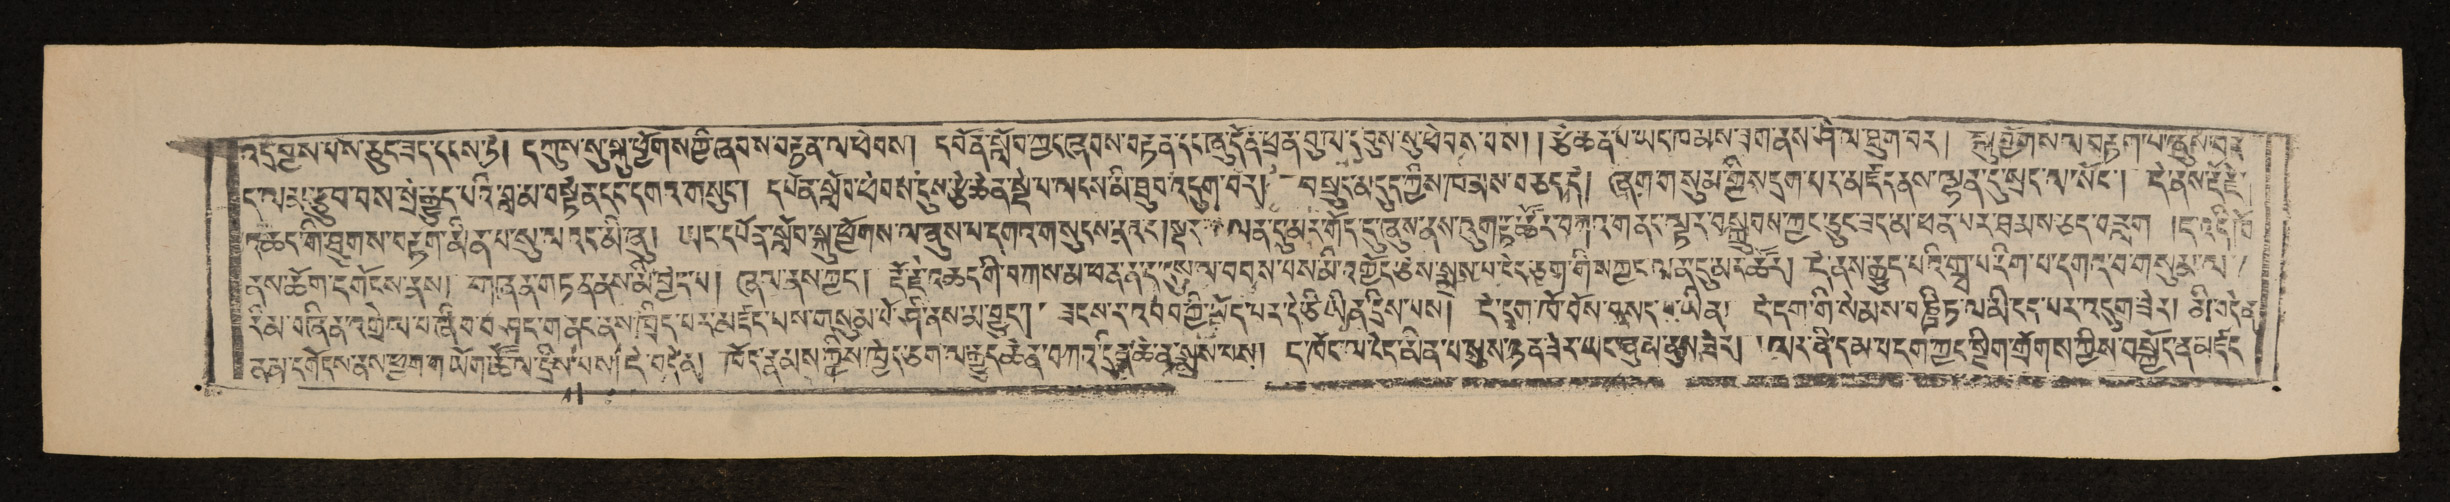འདྲ་བྱས་བས་ཅུང་ཟད་དངས་ཏེ། དབུས་སུ་སྐུ་ཕྱོགས་ཀྱི་ཞབས་བརྟན་ལ་ཕེབས། དཔོན་སློབ་ཀྱང་ཞབས་བརྟན་དང་ཞུ་དོན་ཕྲན་བུ་ལ་དབུས་སུ་ཕེབས་པས། རྩེ་ཆེན་པ་ཡང་ཁམས་ཟག་ནས་ཤི་ལ་ཐུག་པར། སྐུ་ཕྱོགས་ལ་བརྟག་པ་ཞུས་པར་
ད་ལམ་རྩུབ་བས་སྲེ་རྒྱུད་པའི་བླ་མ་བསྟེན་དང་དགའ་གསུང་། དབོན་སློབ་ཕེབས་དུས་རྩེ་ཆེན་སྡེ་པ་ལངས་མི་ཐུབ་འདུག་པར། བསྲུང་མདུད་ཀྱིས་ཁམས་བཅད་དེ། ཞག་གསུམ་གྱིས་དྲག་པར་མཛད་ནས་ལྷན་དུ་སྲད་ལ་སོང་། དེ་ནས་རྡོ་རྗེ་
འཆང་གི་ཐུགས་བརྟག་མིན་པ་སུ་ལའང་མི་ཞུ། ཡང་དཔོན་སློབ་སྐུ་ཕྱོགས་ལ་ཞུས་པ་དགའ་གསུངས་ནའང་། སྔར་ལན་དུ་མར་གོང་དུ་ཞུས་ནས་འུག་རྟ་ཚོར་བཀའ་གནང་ལྟར་བསྒྲུབས་ཀྱང་ཅུང་ཟད་མ་ཕན་པར་ཐམས་ཅད་བརླག །ད་འདི་ཁོ་
ནས་ཆོག་དགོངས་ནས། གཞན་གཏན་ནས་མི་བྱེད་པ། ཞལ་ནས་ཀྱང་། རྡོ་རྗེ་འཆང་གི་བཀས་མ་ཕན་ན་ད་དུས་ལ་བབས་བས་མི་འགྱོད་ཅེས་སྨྲས་པ་ངེད་ཅག་གིས་ཀྱང་ལན་དུ་མང་ཚོར། དེ་ནས་རྒྱུད་པའི་གྲྭ་པ་རིག་པ་དགའ་བ་གསུམ་ལ་
རིམ་བཞིན་འགྲེལ་བ་ཞིབ་བཤད་གནང་ནས་ཁྲིད་པར་མཛད་པས་གསུམ་པོ་ཤི་ནས་མ་བྱུང་། ཟང་སར་འབབ་ཀྱི་ཡོད་པར་དེ་ཅི་ཡིན་དྲིས་པས། དེ་དག་ཁོ་བོས་བསད་པ་ཡིན། དེ་དག་གི་སེམས་པཎྜི་ཏ་ལ་མི་དད་པར་འདུག་ཟེར། མི་བདེན་
ནམ་དགོངས་ནས་ཕྱག་གཡོག་ཚོ་ལ་དྲིས་པས། དེ་བདེན། ཁོང་རྣམས་ཀྱིས་ཁྱེད་ཅག་ལ་རྒྱུད་ཆེན་བཀའ་དྲིན་ཆེན་སྨྲས་བས། ད་ཁོང་ལ་ངེད་མིན་པ་སུས་ཉན་ཟེར་ཡང་ཞུམ་ནུས་ཟེར། ལར་ནི་དམ་པ་དག་ཀྱང་སྡིག་གྲོགས་ཀྱིས་བསྐྱོད་ན་མཛད་